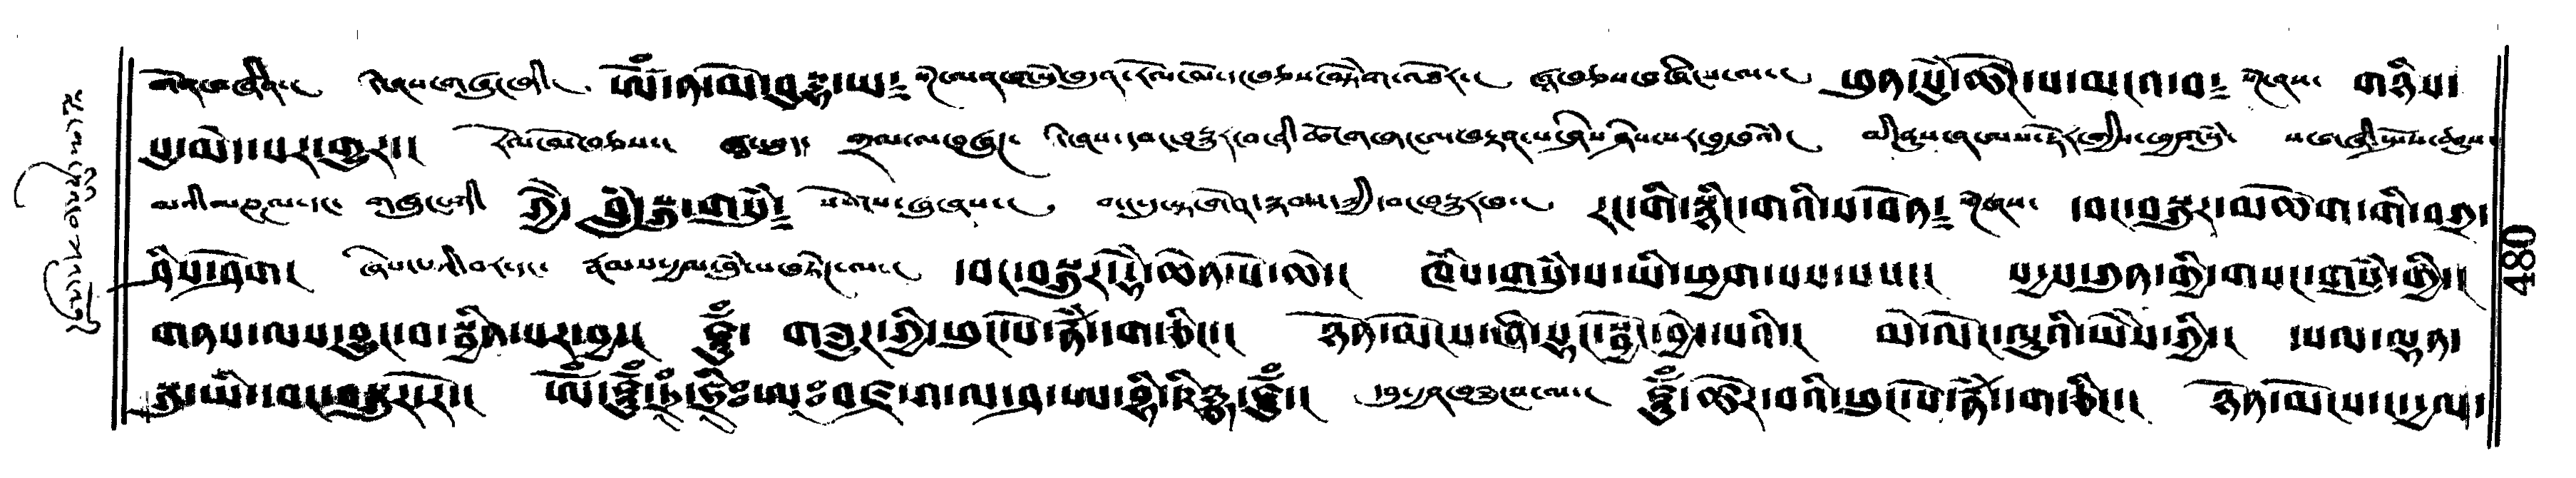གོན་བཞིན། དེ་ནས་གཞུང་གི ཨོཾ་ན་མོ་བུདྡྷ་ཡ༴ སོགས་ལན་གསུམ་མམ་བདུན་རོལ་མོ་དང་བཅས་མེ་ཏོག་འཐོར། ཞྭ་བཅས་བཞེངས་ལ། ཕུན་སུམ་ཚོགས་པ་མངའ་བ༴ སོགས་ནས་གཉིས་
སུ་མེད་པར་གྱུར། ར ོལ་མོ་བཅས།ཞྭ་ཕུད། གྲལ་ལ་བཞུགས། དེ་ནས་དབང་བསྐུར་བ་ནི་ཆོ་ག་གང་ལ་བརྟན་པ་ཤེས་པར་བྱ་བའམ། མི་ནུས་ན་ལས་རྡོར་གྱིས་ཕྱག་གསུམ། ས་གཞི་སྤོས་ཆུས་
མའི་མཎྜལ་དང་། གཞུང་གི ཀྱཻ། བླ་མ་སྐུ་གསུམ༴ སོགས་ཞུ་ནས། གོང་དུ་སྟ་གོན་སྐབས་ཀྱི་དབང་བསྐུར་བ། རང་གི་སྙིང་གའི་ས་བོན༴ སོགས་ནས་དབང་བསྐུར་མཆོག་གི་བཀྲ་
ཤིས་ཤོག ཞེས་པའི་བར་དང་། རྣམ་རྒྱལ་བུམ་པ་བཏེགས་ལ། དབང་བསྐུར་རྡོ་རྗེ་ཆེན་པོ་ཆེ། ཁམས་གསུམ་པ་ཡི་ཕྱག་བྱས་པས། །སངས་རྒྱས་ཀུན་གྱི་གསང་གསུམ་གྱི། །
གནས་ལས་བྱུང་བ་སྦྱིན་པར་བྱ། ཧཱུྃ། གཟུགས་ཀྱི་ཕུང་པོ་རྣམ་དག་ཅིང་། །ཉོན་མོངས་ཞེ་སྡང་སྦྱོང་བྱེད་པའི། །མེ་ལོང་ལྟ་བུའི་ཡེ་ཤེས་ཀྱི། །དཔལ་ལྡན་
སྐུ་ཡི་དབང་བསྐུར་རོ། ཨོཾ་ཧཱུྃ་ཏྲཱཾ་ཧྲཱིཿཨཱཿབཛྲ་ཀ་ལ་ཤ་ཨ་བྷི་རིཉྩ་ཧཱུྃ། དབུ་རྒྱན་བཟུང་ལ། ཧཱུྃ། ཚོར་བའི་ཕུང་པོ་རྣམ་དག་ཅིང་། །ཉོན་མོངས་ང་རྒྱལ་